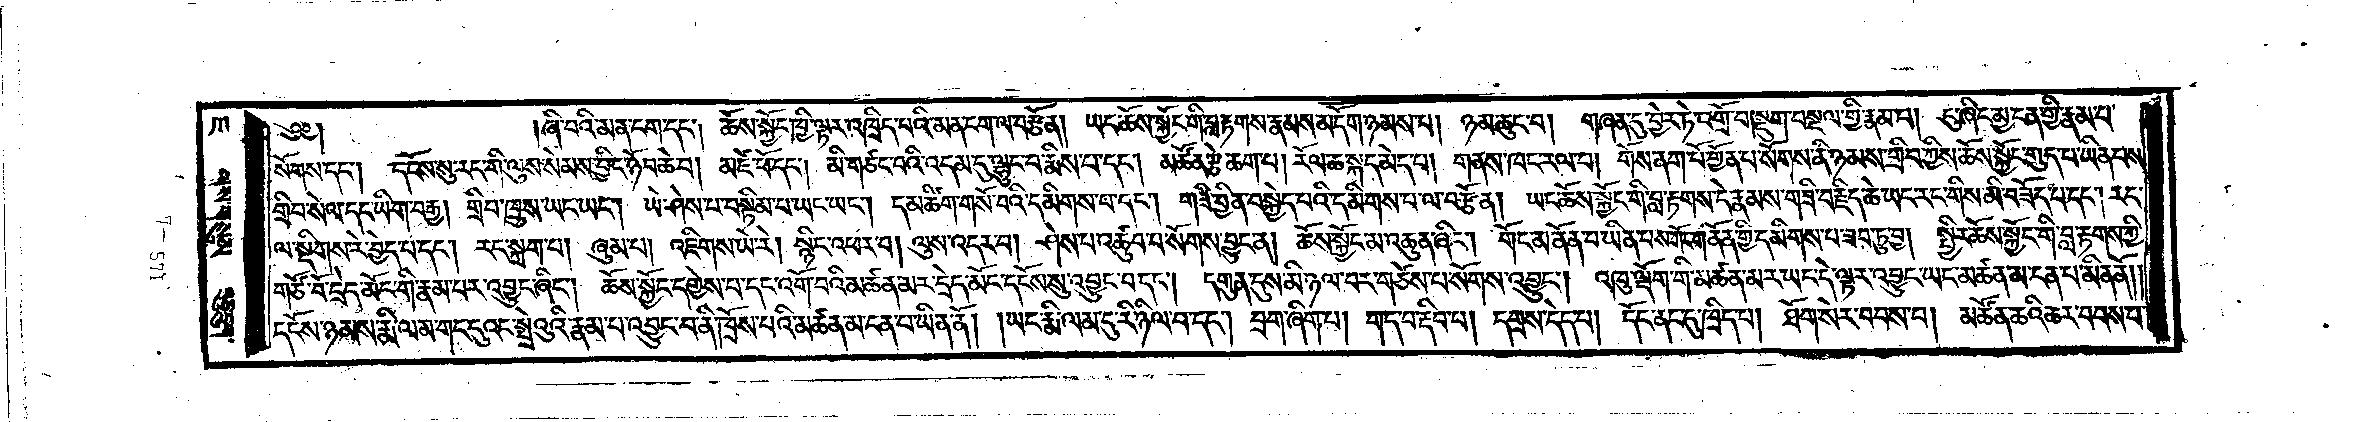༄༅། །ཞི་བའི་མན་ངག་དང་། ཆོས་སྐྱོང་ཁྱི་ལྟར་འཁྲིད་པའི་མན་ངག་ལ་བརྩོན། ཡང་ཆོས་སྐྱོང་གི་བླ་རྟགས་རྣམས་མདོག་ཉམས་པ། ཉམ་ཆུང་བ། གཞན་དུ་བྱེར་ཏེ་འགྲོ་བ། སྡུག་བསྔལ་གྱི་རྣམ་པ། དུ་ཞིང་མྱ་ངན་གྱི་རྣམ་པ་
སོགས་དང་། དངོས་སུ་རང་གི་ལུས་སེམས་བྱིང་ཉོ་བ་ཆེ་བ། མཛེ་ཕོ་དང་། མི་གཙང་བའི་འདམ་དུ་ལྷུང་བ་རྨིས་པ་དང་། མཚོན་རྩེ་ཆག་པ། རོལ་ཆ་སྐད་མེད་པ། གནས་ཁང་རལ་བ། གོས་ནག་པོ་གྱོན་པ་སོགས་ནི་ཉམས་གྲིབ་ཀྱིས་ཆོས་སྐྱོང་གུད་པ་ཡིན་པས་
གྲིབ་སེལ་དང་ཡིག་བརྒྱ། གྲིབ་ཁྲུས་ཡང་ཡང་། ཡེ་ཤེས་པ་བསྟིམ་པ་ཡང་ཡང་། དམ་ཚིག་གསོ་བའི་དམིགས་པ་དང་། གཟི་བྱིན་བསྐྱེད་པའི་དམིགས་པ་ལ་བརྩོན། ཡང་ཆོས་སྐྱོང་གི་བླ་རྟགས་དེ་རྣམས་གཟི་བརྗིད་ཆེ་ཡང་རང་གིས་མི་བཟོད་པ་དང་། རང་
ལ་སྡིགས་རེ་བྱེད་པ་དང་། རང་སྐྲག་པ། ཞུམ་པ། འཇིགས་ཡེ་རེ། སྙིང་འཕར་བ། ལུས་འདར་བ། ཤེས་པ་འཚུབ་བ་སོགས་བྱུང་ན། ཆོས་སྐྱོང་མ་འཆུན་ཞིང་། གོང་མ་ནོན་པ་ཡིན་པས་གོང་གནོན་གྱི་དམིགས་པ་ཟབ་ཏུ་བྱ། སྤྱིར་ཆོས་སྐྱོང་གི་བླ་རྟགས་ཀྱི་གཙོ་བོ་དྲེད་མོང་གི་རྣམ་པར་འབྱུང་ཞིང་། ཆོས་སྐྱོང་དགྱེས་པ་དང་འོག་བའི་མཚན་མར་དྲེད་མོང་དངོས་སུ་འབྱུང་བ་དང་། དགུན་དུས་མི་ཉལ་བར་གཙེས་པ་སོགས་འབྱུང་། འཁུ་ལྡོག་གི་མཚན་མར་ཡང་དེ་ལྟར་འབྱུང་ཡང་མཚན་མ་ངན་པ་མིན་ནོ།།
དངོས་ཉམས་རྨི་ལམ་གང་དུའང་སྤྲེའུའི་རྣམ་པ་འབྱུང་བ་ནི་ཁྲོས་པའི་མཚན་མ་ངན་པ་ཡིན་ནོ། །ཡང་རྨི་ལམ་དུ་རི་ཉིལ་བ་དང་། བྲག་ཞིག་པ། གད་པ་རྡིབ་པ། དགྲས་དེད་པ། དོང་ནང་དུ་ཁྲིད་པ། ཐོག་སེར་བབས་པ། མཚོན་ཆའི་ཆར་བབས་པ་